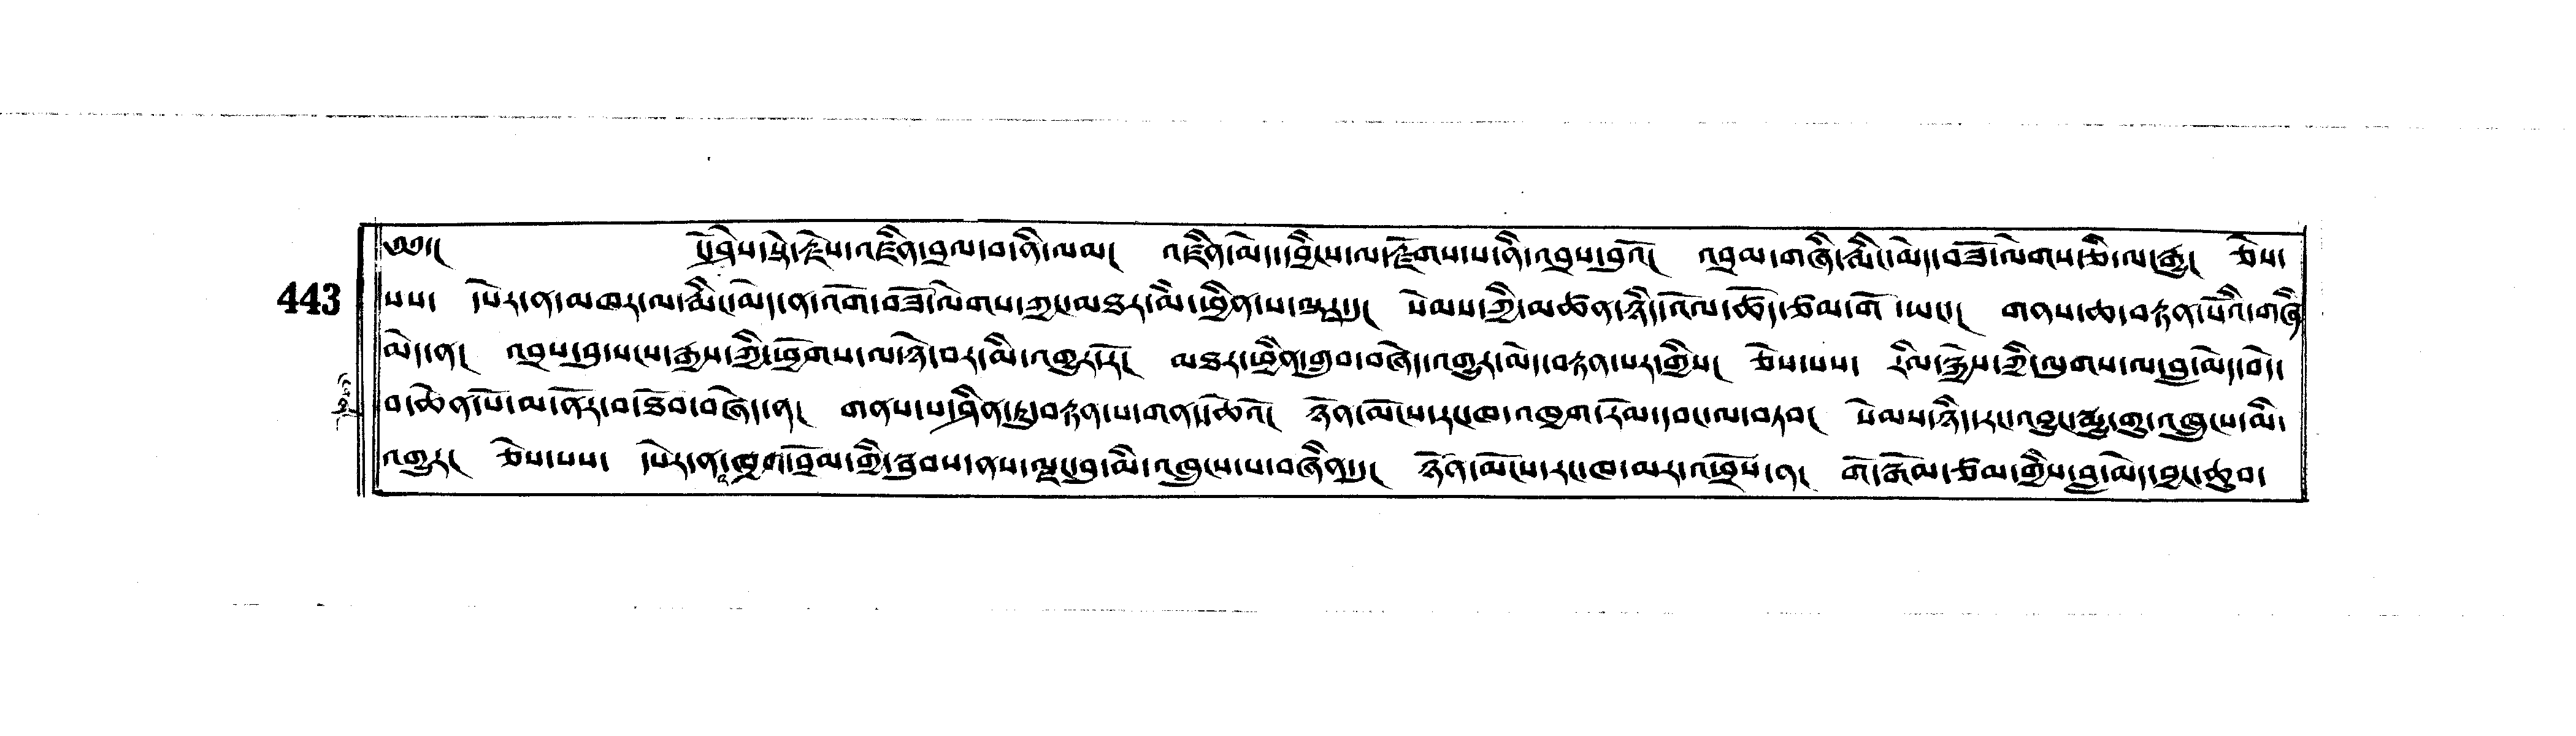ངོ་ཤེས་ཏེ་རྗེས་འཛིན་བྲལ་བ་ནི་ལམ། འཛིན་མེད་དབྱིངས་ལ་རྫོགས་པ་ནི་འབྲས་བུའོ། འབྲལ་གཞི་རྨེང་མེད་བཟོ་ལེགས་ཅི་ལ་རྒྱུ། ཅེས་
པས། དཔེར་ན། མཁར་ལ་མིང་མེད་ན་འགོ་བཟོ་ལེགས་ཀྱང་མཐར་མི་ཕྱིན་པ་ལྟར་དུ། སེམས་ཀྱི་མཚན་ཉིད་འོལ་ཚོད་ཙམ་གོ་ཡང་། གནས་ཆ་བརྟན་པོའི་གཞི་
མེད་ན། འབྲས་བུ་སངས་རྒྱས་ཀྱི་ཕྱོགས་ལ་ཉེ་བར་མི་འགྱུར་རོ། མཐར་ཕྱིན་གྲུབ་བཞེད་འགྱུར་མེད་བརྟན་པར་གྱིས། ཅེས་པས། རིམ་སྐྱེས་ཀྱི་ལུགས་ལ་བླ་མེད་བདེ་
བ་ཆེན་པོ་མ་ནོར་བ་ཐོབ་པར་བཞེད་ན། གནས་པ་ཤིན་ཏུ་བརྟན་པ་གནད་ཆེའོ། ཉོན་མོངས་རང་ཁ་འཁྱག་རོམ་དབང་ལ་བཏབ། སེམས་ཉིད་རང་འབྱུང་སྨྱུ་གུ་འཁྲུངས་མི་
འགྱུར། ཅེས་པས། འཁྱག་རོམ་གྱི་སྦུག་ནས་ལྗང་བུ་མི་འཁྲུངས་པ་བཞིན་དུ། ཉོན་མོངས་རང་ཁ་མར་འཕྲོས་ན། གོ་སྒོམ་ཙམ་གྱིས་བླ་མེད་བྱང་ཆུབ་